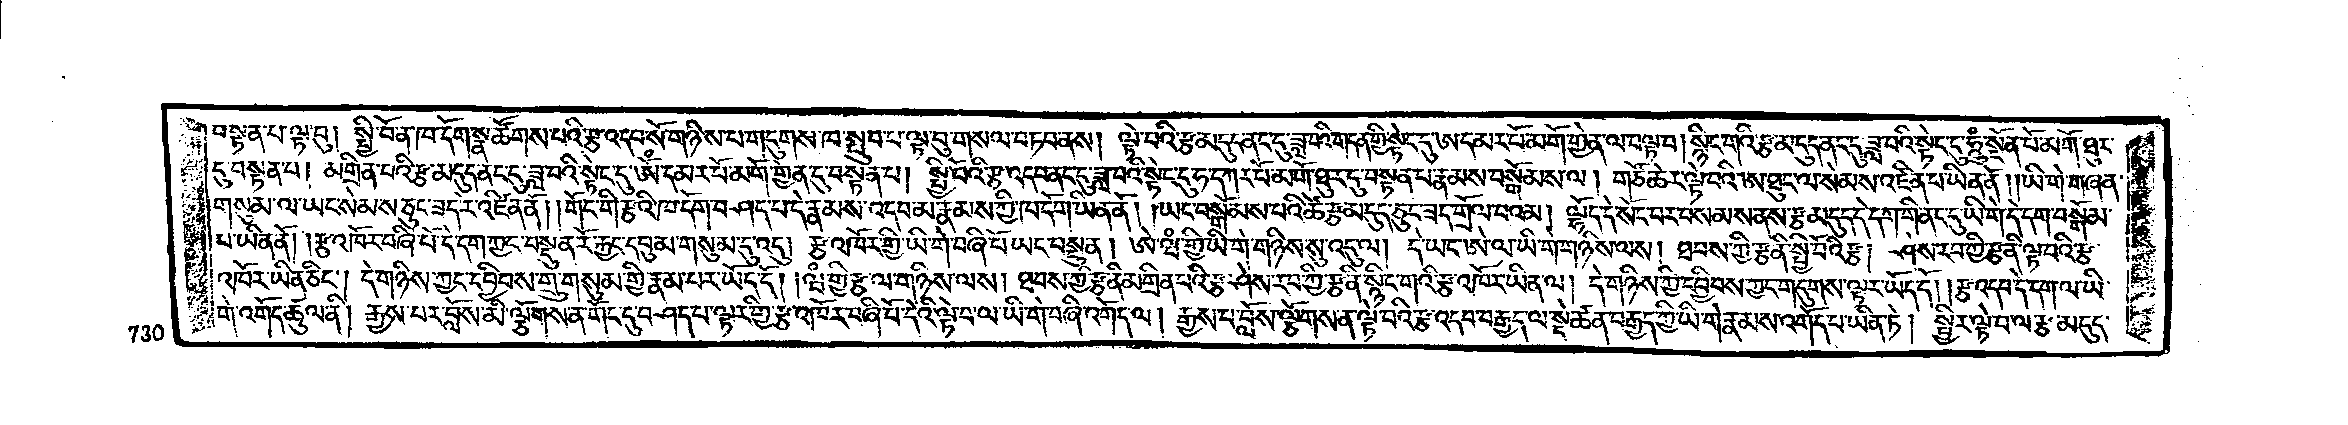བསྟན་པ་ལྟ་བུ། སྤྱི་བོ་ན་ཁ་དོག་སྣ་ཚོགས་པའི་རྩ་འདབ་སོ་གཉིས་པ་གདུགས་ཁ་སྤུབ་པ་ལྟ་བུ་གསལ་བཏབ་ནས། ལྟེ་བའི་རྩ་མདུད་ནང་དུ་ཟླ་བའི་གདན་གྱི་སྟེང་དུ་ཨ་དམར་པོ་མགོ་གྱེན་ལ་བལྟ་བ། སྙིང་གའི་རྩ་མདུད་ནང་དུ་ཟླ་བའི་སྟེང་དུ་ཧཱུཾ་སྔོན་པོ་མགོ་ཐུར་
དུ་བསྟན་པ། མགྲིན་པའི་རྩ་མདུད་ནང་དུ་ཟླ་བའི་སྟེང་དུ་ཨོཾ་དམར་པོ་མགོ་གྱེན་དུ་བསྟན་པ། སྤྱི་བོའི་རྩ་འདབ་ནང་དུ་ཟླ་བའི་སྟེང་དུ་ཧ་དཀར་པོ་མགོ་ཐུར་དུ་བསྟན་པ་རྣམས་བསྒོམས་ལ། གཙོ་ཆེར་ལྟེ་བའི་ཨ་ཐུང་ལ་སེམས་འཛིན་པ་ཡིན་ནོ། །ཡི་གེ་གཞན་
གསུམ་ལ་ཡང་སེམས་ཅུང་ཟད་རེ་འཛིན་ནོ། །གོང་གི་རྩའི་ཁ་དོག་བཤད་པ་དེ་རྣམས་འདབ་མ་རྣམས་ཀྱི་ཁ་དོག་ཡིན་ནོ། །ཡང་བསྒོམས་པའི་ཚེ་རྩ་མདུད་ཅུང་ཟད་གྲོལ་བའམ། ལྷོད་དེ་སོང་བར་བསམས་ནས་རྩ་མདུད་དེ་དག་གི་ནང་དུ་ཡི་གེ་དེ་དག་བསྒོམ་
པ་ཡིན་ནོ། །རྩ་འཁོར་བཞི་པོ་དེ་དག་ཀྱང་བསྡུ་ན་རོ་རྐྱང་དབུ་མ་གསུམ་དུ་འདུ། རྩ་འཁོར་གྱི་ཡི་གེ་བཞི་པོ་ཡང་བསྡུ་ན། ཨེ་ཝཾ་གྱི་ཡི་གེ་གཉིས་སུ་འདུ་ལ། དེ་ཡང་ཨེ་ལ་ཡི་གེ་གཉིས་ལས། ཐབས་ཀྱི་རྩ་ནི་སྤྱི་བོའི་རྩ། ཤེས་རབ་ཀྱི་རྩ་ནི་ལྟ་བའི་རྩ་
འཁོར་ཡིན་ཅིང་། དེ་གཉིས་ཀྱང་དབྱིབས་གྲུ་གསུམ་གྱི་རྣམ་པར་ཡོད་དོ། །ཝཾ་གྱི་རྩ་ལ་གཉིས་ལས། ཐབས་ཀྱི་རྩ་ནི་མགྲིན་པའི་རྩ་ཤེས་རབ་ཀྱི་རྩ་ནི་སྙིང་གའི་རྩ་འཁོར་ཡིན་ལ། དེ་གཉིས་ཀྱི་དབྱིབས་ཀྱང་གདུགས་ལྟར་ཡོད་དོ། །རྩ་འདབ་དེ་དག་ལ་ཡི་
གེ་འགོད་ཚུལ་ནི། རྒྱས་པར་བློས་མི་ལྕོགས་ན་གོང་དུ་བཤད་པ་ལྟར་གྱི་རྩ་འཁོར་བཞི་པོ་དེའི་ལྟེ་བ་ལ་ཡི་གེ་བཞི་འགོད་ལ། རྒྱས་པ་བློས་ལྕོགས་ན་ལྟེ་བའི་རྩ་འདབ་བརྒྱད་ལ་སྡེ་ཚན་བརྒྱད་ཀྱི་ཡི་གེ་རྣམས་འགོད་པ་ཡིན་ཏེ། སྤྱིར་ལྟེ་བ་ལ་རྩ་མདུད་